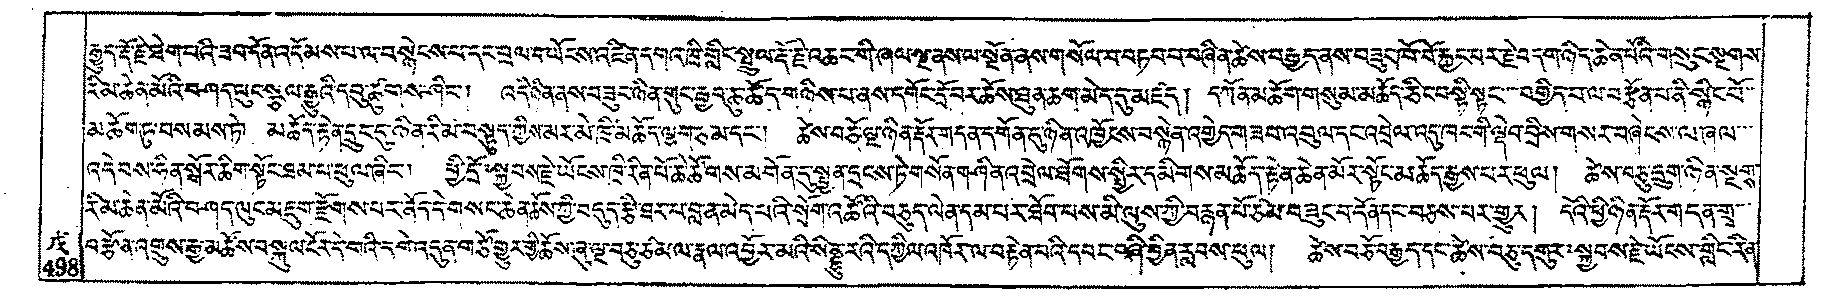རྒྱུད་རྡོ་རྗེ་ཐེག་པའི་ཟབ་དོན་འདོམས་པ་ལ་བསྙེངས་པ་དང་བྲལ་བ་ཡོངས་འཛིན་དགའ་ཁྲི་གླིང་སྤྲུལ་རྡོ་རྗེ་འཆང་གི་ཞལ་སྔ་ནས་ལ་སྔོན་ནས་གསོལ་བ་བཏབ་པ་བཞིན་ཚེས་བརྒྱད་ནས་བཟུང་ཁོ་བོ་རྐྱང་པར་རྗེ་བདག་ཉིད་ཆེན་པོའི་གསུང་སྔགས་
རིམ་ཆེན་མོའི་བཤད་ལུང་སྩལ་རྒྱུའི་དབུ་ཚུགས་ཤིང་། འདི་ཉིན་ནས་བཟུང་ཉིན་གུང་རྒྱབ་ཆུ་ཚོད་གཉིས་པ་ནས་དགོང་དྲོ་བར་ཆོས་ཐུན་ཆག་མེད་དུ་མཛད། དཀོན་མཆོག་གསུམ་མཆོད་ཅིང་བསྟི་སྟང་བགྱིད་པ་ལ་བརྩོན་པ་ནི་སྙིང་པོ་
མཆོག་ཏུ་བསམས་ཏེ། མཆོད་རྟེན་དྲུང་དུ་ཉིན་རིམ་བསྟུད་ཀྱིས་མར་མེ་ཁྲི་མཆོད་ལྷག་ཙམ་དང་། ཚེས་བཅོ་ལྔ་ཉིན་རྡོར་གདན་དགོན་དུ་ཉིན་འཁྱོངས་བསྙེན་འགྱེད་གཟབ་འབུལ་དང་འབྲེལ་འདུ་ཁང་གི་ལྡེབ་བྲིས་གསར་བཞེངས་ལ་ཞལ་
འདེབས་ཧིན་སྒོར་ཆིག་སྟོང་ཐམ་པ་ཕུལ་ཞིང་། ཕྱི་དྲོ་༧སྐྱབས་རྗེ་ཡོངས་ཁྲི་རིན་པོ་ཆེ་ཚོགས་མགོན་དུ་སྤྱན་དྲངས་ཏེ་གསོན་གཤིན་འབྲེལ་ཐོགས་སྤྱིར་དམིགས་མཆོད་རྟེན་ཆེན་མོར་སྟོང་མཆོད་རྒྱས་པར་ཕུལ། ཚེས་བཅུ་དྲུག་ཉིན་སྔགས་
རིམ་ཆེན་མོའི་བཤད་ལུང་མཇུག་རྫོགས་པར་ནོད་དེ་གསང་ཆེན་ཆོས་ཀྱི་བདུད་རྩི་ཐར་པ་བླ་ན་མེད་པའི་སྲོག་འཚོའི་བཅུད་ལེན་དམ་པར་ཐོབ་པས་མི་ལུས་ཀྱི་བརྙན་པོ་ཙམ་བཟུང་བ་དོན་དང་བཅས་པར་གྱུར། དེའི་ཕྱི་ཉིན་རྡོར་གདན་གྲྭ་
བརྩོན་འགྲུས་རྒྱ་མཚོས་བསྐུལ་ངོར་དེ་གའི་དགེ་འདུན་གཙོ་གྱུར་གྱི་ཆོས་ཞུ་ལྔ་བཅུ་ཙམ་ལ་རྣལ་འབྱོར་མའི་སིནྡྷུ་རའི་དཀྱིལ་འཁོར་ལ་བརྟེན་པའི་དབང་བཞི་བྱིན་རླབས་ཕུལ། ཚེས་བཅོ་བརྒྱད་དང་ཚེས་བཅུ་དགུར་༧སྐྱབས་རྗེ་ཡོངས་གླིང་རིན་